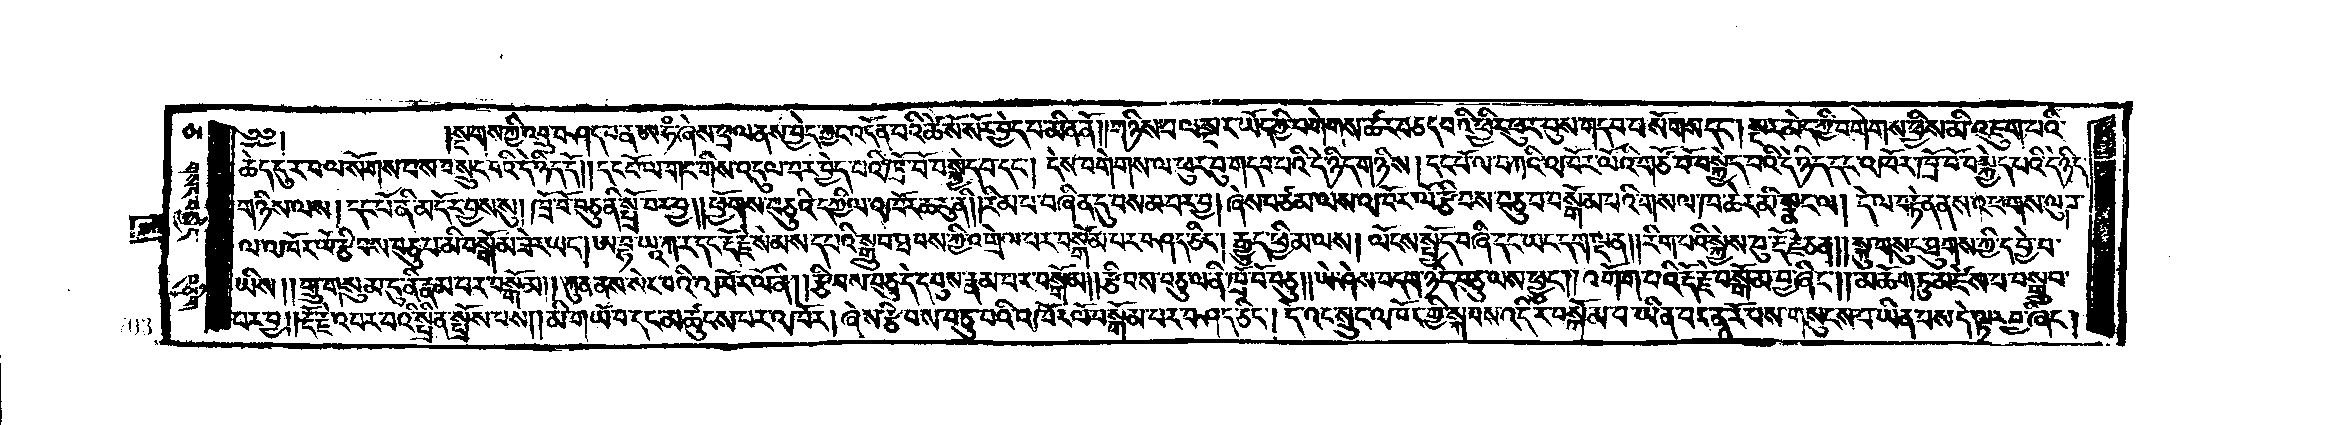༄༅། །སྔགས་ཀྱི་འབྲུ་བཤད་པ་ན་ཨ་ཧཾ་ཞེས་ཕྲལ་ནས་བྱེད་ཀྱང་འདོན་པའི་ཚེ་སོ་སོར་བྱེད་པ་མིན་ནོ། །གཉིས་པ་ལ་སྔར་ཡོད་ཀྱི་བགེགས་ཚར་བཅད་པའི་ཕྱིར་ཕུར་བུས་གདབ་པ་སོགས་དང་། སྔར་མེད་ཀྱི་བགེགས་ཕྱིས་མི་འཇུག་པའི་
ཆེད་དུ་ར་བ་ལ་སོགས་པས་བསྲུང་བའི་དེ་ཉིད་དོ། །དང་པོ་ལ་གང་གིས་འདུལ་བར་བྱེད་པའི་ཁྲོ་བོ་བསྐྱེད་པ་དང་། དེས་བགེགས་ལ་ཕུར་བུ་གདབ་པའི་དེ་ཉིད་གཉིས། དང་པོ་ལ་བཀའི་འཁོར་ལོའི་གཙོ་བོ་བསྐྱེད་པའི་དེ་ཉིད་དང་འཁོར་ཁྲོ་བོ་བསྐྱེད་པའི་དེ་ཉིད་
གཉིས་ལས། དང་པོ་ནི་མདོར་བྱས་སུ། ཁྲོ་བོ་བཅུ་ནི་སྤྲོ་བར་བྱ། །ཕྱོགས་བཅུའི་དཀྱིལ་འཁོར་ཆ་རུ་ནི། །རིམ་པ་བཞིན་དུ་བསམ་པར་བྱ། ཞེས་པ་ཙམ་ལས་འཁོར་ལོ་རྩིབས་བཅུ་པ་བསྒོམ་པའི་གསལ་ཁ་ཆེར་མི་སྣང་ལ། དེ་ལ་བརྟེན་ནས་འཕགས་ལུགས་
ལ་འཁོར་ལོ་རྩིབས་བཅུ་པ་མི་བསྒོམ་ཟེར་ཡང་། ཨ་བྷ་ཡཱ་ཀ་ར་དང་རྡོ་རྗེ་སེམས་དཔའི་སྒྲུབ་ཐབས་ཀྱི་འགྲེལ་པར་བསྒོམ་པར་བཤད་ཅིང་། རྒྱུད་ཕྱི་མ་ལས། ལོངས་སྤྱོད་བཞི་དང་ཡང་དག་ལྡན། །རིག་པའི་སྐྱེས་བུ་རྡོ་རྗེ་ཅན། །སྐུ་གསུང་ཐུགས་ཀྱི་དབྱེ་བ་
ཡིས། །གྲུ་གསུམ་དུ་ནི་རྣམ་པར་བསྒོམ། །ཀུན་ནས་སེར་བའི་འཁོར་ལོ་ནི། །རྩིབས་བཅུ་དེ་དབུས་རྣམ་པར་བསྒོམ། །རྩིབས་བཅུ་ལ་ནི་ཁྲོ་བོ་བཅུ། །ཡེ་ཤེས་བདག་ཉིད་བཅུ་ལས་ཕྱུང་། །འགོག་པའི་རྡོ་རྗེ་བསྒོམ་བྱ་ཞིང་། །མཆོག་ཏུ་མཛེས་པ་བསྒྲུབ་
པར་བྱ། །རྡོ་རྗེ་འབར་བའི་སྤྲིན་སྤྲོས་པས། །མི་གཡོ་བ་དང་མཚུངས་པར་འཁོར། ཞེས་རྩིབས་བཅུ་བའི་འཁོར་ལོ་བསྒོམ་པར་བཤད་ཅིང་། དེ་འང་སྲུང་འཁོར་གྱི་སྐབས་འདིར་བསྒོམ་པ་ཡིན་པར་ནཱ་རོ་པས་གསུངས་པ་ཡིན་པས་དེ་ལྟར་བྱ་ཞིང་།